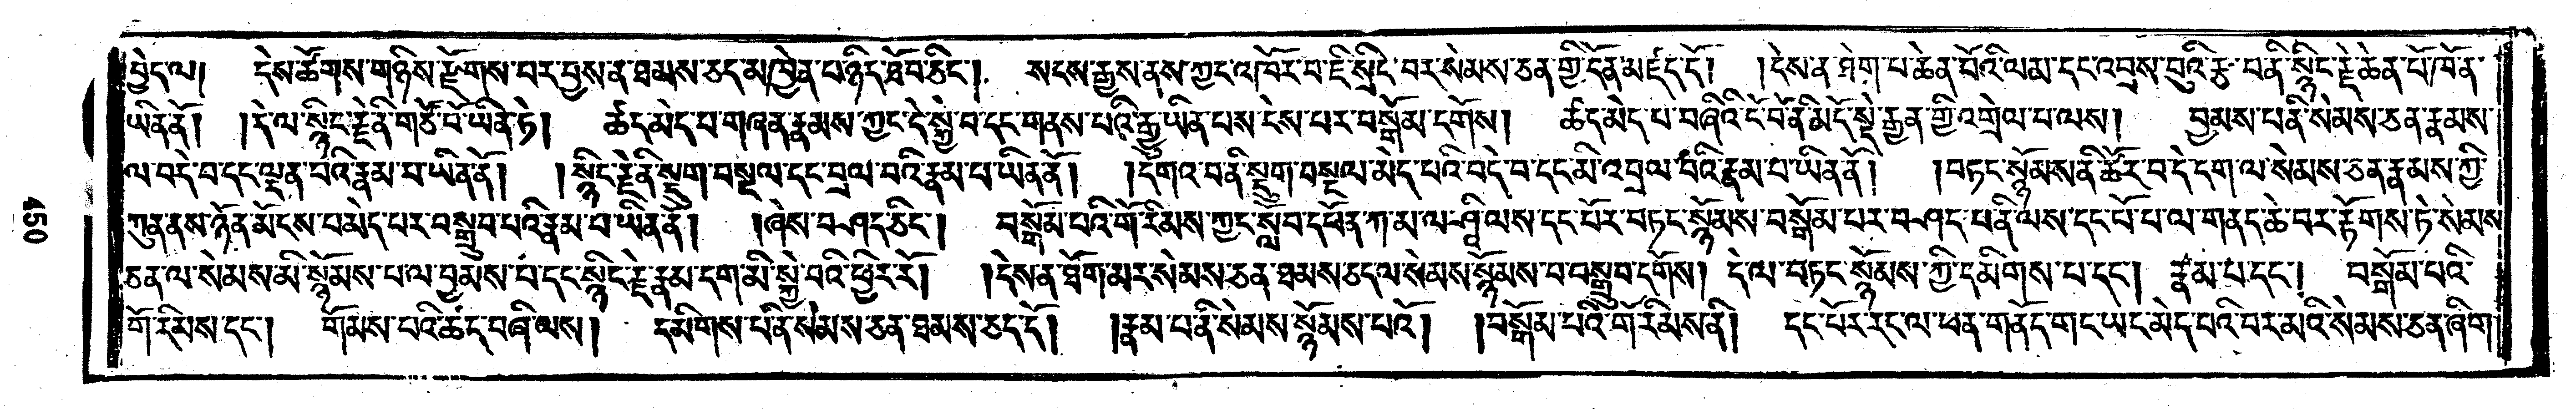བྱེད་ལ། དེས་ཚོགས་གཉིས་རྫོགས་པར་བྱས་ན་ཐམས་ཅད་མཁྱེན་པ་ཉིད་ཐོབ་ཅིང་། སངས་རྒྱས་ནས་ཀྱང་འཁོར་བ་ཇི་བོའི་ལམ་དང་འབྲས་བུའི་རྩ་བ་ནི་སྙིང་རྗེ་ཆེན་པོ་ཁོ་ན་ལམ་དང་འབྲས་བུའི་རྩ་བ་ནི་སྙིང་རྗེ་ཆེན་པོ་ཁོ་ན་
ཡིན་ནོ། །དེ་ལ་སྙིང་རྗེ་ནི་གཙོ་བོ་ཡིན་ཏེ། ཚད་མེད་པ་གཞན་རྣམས་ཀྱང་དེ་སྐྱེ་བ་དང་གནས་པའི་རྒྱུ་ཡིན་པས་ངེས་པར་བསྒོམ་དགོས། ཚད་མེད་པ་བཞིའི་ངོ་བོ་ནི་མདོ་སྡེ་རྒྱན་གྱི་འགྲེལ་པ་ལས། བྱམས་པ་ནི་སེམས་ཅན་རྣམས་
ལ་བདེ་བ་དང་ལྡན་པའི་རྣམ་པ་ཡིན་ནོ། །སྙིང་རྗེ་ནི་སྡུག་བསྔལ་དང་བྲལ་བའི་རྣམ་པ་ཡིན་ནོ། །དགའ་བ་ནི་སྡུག་བསྔལ་མེད་པའི་བདེ་བ་དང་མི་འབྲལ་བའི་རྣམ་པ་ཡིན་ནོ། །བཏང་སྙོམས་ནི་ཚོར་བ་དེ་དག་ལ་སེམས་ཅན་རྣམས་ཀྱི་
ཀུན་ནས་ཉོན་མོངས་པ་མེད་པར་བསྒྲུབ་པའི་རྣམ་པ་ཡིན་ནོ། །ཞེས་བཤད་ཅིང་། བསྒོམ་པའི་གོ་རིམས་ཀྱང་སློབ་དཔོན་ཀ་མ་ལ་ཤཱི་ལས་དང་པོར་བཏང་སྙོམས་བསྒོམ་པར་བཤད་པ་ནི་ལས་དང་པོ་པ་ལ་གནད་ཆེ་བར་རྟོགས་ཏེ་སེམས་
ཅན་ལ་སེམས་མི་སྙོམས་པ་ལ་བྱམས་པ་དང་སྙིང་རྗེ་རྣམ་དག་མི་སྐྱེ་བའི་ཕྱིར་རོ། །དེས་ན་ཐོག་མར་སེམས་ཅན་ཐམས་ཅད་ལ་སེམས་སྙོམས་པ་བསྒྲུབ་དགོས། དེ་ལ་བཏང་སྙོམས་ཀྱི་དམིགས་པ་དང་། རྣམ་པ་དང་། བསྒོམ་པའི་
གོ་རིམས་དང་། གོམས་པའི་ཚད་བཞི་ལས། དམིགས་པ་ནི་སེམས་ཅན་ཐམས་ཅད་དོ། །རྣམ་པ་ནི་སེམས་སྙོམས་པའོ། །བསྒོམ་པའི་གོ་རིམས་ནི། དང་པོར་རང་ལ་ཕན་གནོད་གང་ཡང་མེད་པའི་བར་མའི་སེམས་ཅན་ཞིག་